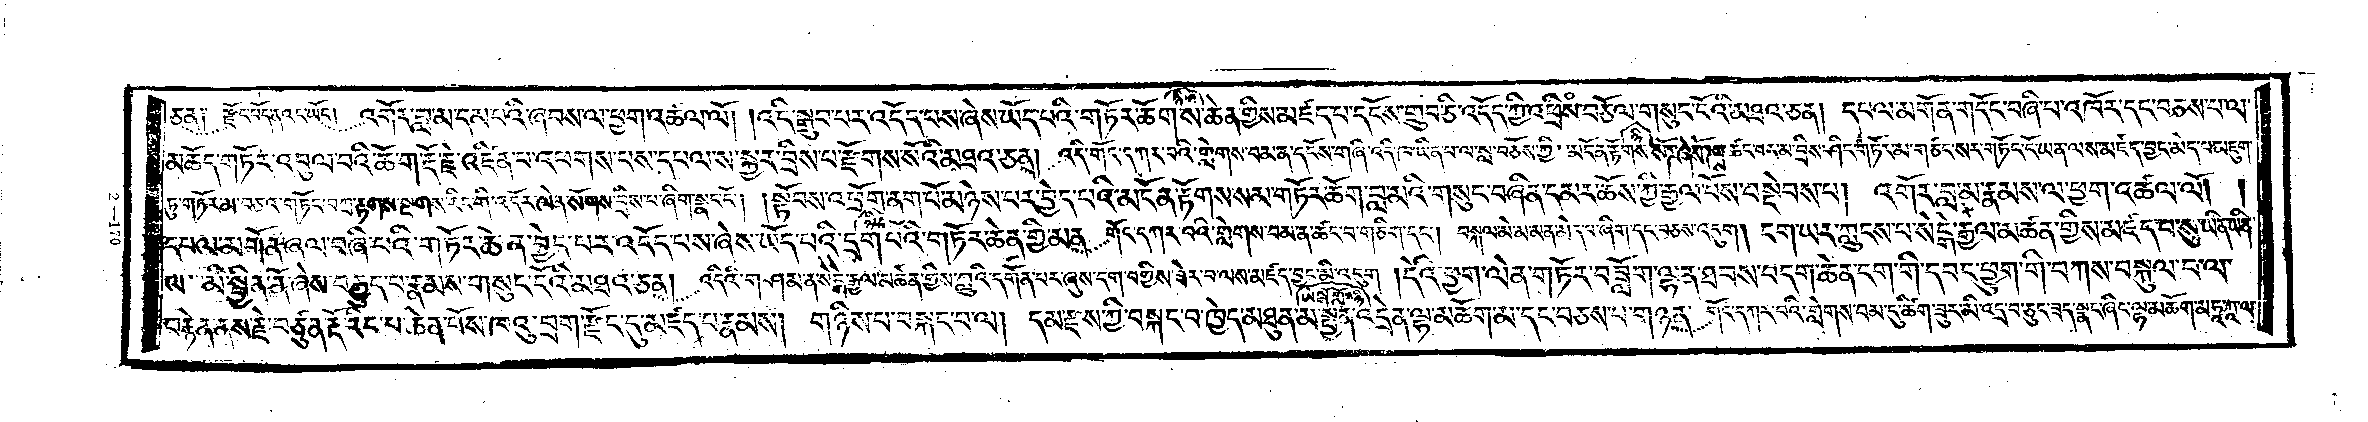ཅན༑ རྫོང་པོད་ནའང་ཡོད།  འགོར་བླ་མ་དམ་པའི་ཞབས་ལ་ཕྱག་འཚལ་ལོ། །འདི་སྒྲུབ་པར་འདོད་པས་ཞེས་ཡོད་པའི་གཏོར་ཆོགས་ཆེན་གྱིས་མཛད་པ་དངོས་གྲུབ་ཅི་འདོད་ཀྱི་འཕྲིཾས་བཅོལ་གསུང་ངོའི་མཐའ་ཅན། དཔལ་མགོན་གདོང་བཞི་པ་འཁོར་དང་བཅས་པ་ལ་
མཆོད་གཏོར་འབུལ་བའི་ཆོ་ག་རྡོ་རྗེ་འཛིན་པ་འཕགས་པས་དཔལ་ས་སྐྱར་བྲིས་པ་རྫོགས་སོའི་མཐའ་ཅན། འདི་གོང་དཀར་པའི་གླེགས་བམ་ན་དངོས་གཞི་འདི་ཁ་ཡིན་པ་ལ་སླ་བཅོས་ཀྱི་མངོན་རྟོགས་སོཌ་ཞེས་སོགས་ཚང་བར་མ་བྲིས་ཤིང་གཏོར་མ་གཙང་སར་གཏོང་ངོ་ཡན་ལས་མཛད་བྱང་མེད་པ་མཇུག་
ཏུ་གཏོར་མ་བཅའ་གཏོང་བཀྲ་རྟགས་སྔགས་རིང་གི་འདོར་ལེན་སོགས་བྲིས་པ་ཞིག་སྣང་ངོ། །སྟོབས་འཕྲོག་ནག་པོ་མཉེས་པར་བྱེད་པའི་མངོན་རྟོགས་སམ་གཏོར་ཆོག་བླ་མའི་གསུང་བཞིན་དམར་ཆོས་ཀྱི་རྒྱལ་པོས་བསྡེབས་ལ། འགོར་བླ་མ་རྣམས་ལ་ཕྱག་འཚལ་ལོ། །
དཔལ་མགོན་ཞལ་བཞི་པའི་གཏོར་ཆེན་བྱེད་པར་འདོད་པས་ཞེས་ཡོད་པའི་དྲག་པོའི་གཏོར་ཆེན་གྱི་མན་གོང་དཀར་བའི་གླེགས་བམ་ན་ཚང་བ་གཅིག་དང་། བསྐལ་མེ་མ་མན་མེད་པ་ཞིག་དང་བཅས་འདུག་།ངག་ཡར་ཀླུངས་པ་སེངྒེ་རྒྱལ་མཚན་གྱིས་མཛད་པ་སུ་ཡིན་ཡིན་
ལ་མི་སྦྱིན་ནོ་ཞེས་བརྒྱུད་པ་རྣམས་གསུང་ངོའི་མཐའ་ཅན། འདིའི་གཤམ་ན་སེངྒེ་རྒྱལ་མཚན་གྱིས་ཀླུའི་དགོན་པར་ཞུས་དག་བགྱིས་ཟེར་བ་ལས་མཛད་བྱང་མི་འདུག་།དེའི་ཕྱག་ལེན་གཏོར་བཟློག་ལྷན་ཐབས་བདག་ཆེན་ངག་གི་དབང་ཕྱུག་གི་བཀས་བསྐུལ་བ་ལ་
བརྟེན་ནས་རྗེ་བཙུན་རྡོ་རིང་པ་ཆེན་པོས་ཁའུ་བྲག་རྫོང་དུ་མཛད་པ་རྣམས། གཉིས་པ་བསྐང་བ་ལ། དམ་རྫས་ཀྱི་བསྐང་བ་ཁྱེད་མཐུན་མ་སྤྱན་འདྲེན་ལྷ་མཆོག་མ་དང་བཅས་པ་གཉན་གོང་དཀར་བའི་གླེགས་བམ་དུ་ཚིག་ཟུར་མི་འདྲ་བ་ཅུང་ཟད་སྣང་ཞིང་ལྷ་མཆོག་མཧཱ་ཀཱ་ལ